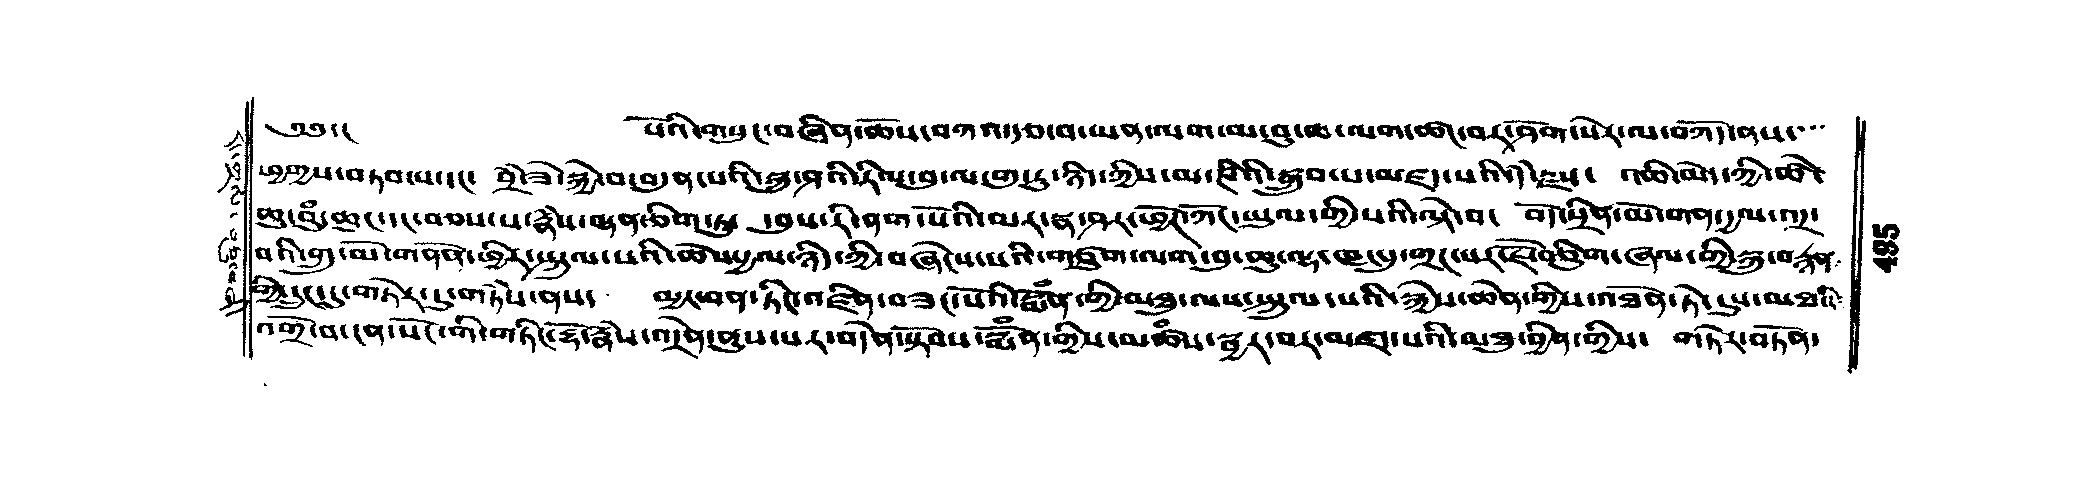པོའི་གསུང་བཞིན་ཆོས་བཀའ་རྩ་བ་ཡན་ལག་མ་བུ་ཆ་ལག་ཚང་བར་ཤོག་སེར་ལ་བཀོད་ནས་
ཕྱག་རྒྱས་བཏབ་པ་དང་། བྲམ་ཟེ་སྐྱེ་བ་བདུན་པའི་སྐུ་ཤའི་རིལ་བུ་ལ་གུ་རུ་ཉིད་ཀྱིས་མཎིའི་སྒྲུབ་པ་མཛད་པའི་དམ་རྫས་འཆི་མེད་ཀྱི་ཚེ་
ཆུ་བུམ་ཆུང་དང་བཅས་པ་རྣམས་ལྷན་ཅིག་ཏུ། དབུས་རི་ནག་པོའི་མར་སྣ་ཤར་ཕྱོགས་ཀོང་ཡུལ་གྱི་སའི་ལྟེ་བ། བོད་སྲིན་མོ་གན་རྒྱལ་འདྲ་
བའི་གྲུ་མོ་གནོན་ཕྱིར་སྤྲུལ་པའི་ཆོས་རྒྱལ་ཉིད་ཀྱི་བཞེངས་པའི་གཙུག་ལག་བུ་ཆུ་ལྷ་ཁང་དུ་གྲགས་པར་ཇོ་བོ་བཅུ་གཅིག་ཞལ་གྱི་སྐུ་བརྙན་
གྱི་དྲུང་དུ་གཏམས་ནས།མྱང་བན་ཏིང་འཛིན་བཟང་པོའི་སྨོན་ལམ་གྱི་མཐུ་ལས་སྤྲུལ་པའི་སྐྱེས་ཆེན་གྱིས་འཐོན་ཏེ་དུས་མཐའི་
འགྲོ་བ་ངན་སོང་གི་གཏིང་རྡོ་རྣམས་འདྲེན་ནུས་པར་བདེན་སྟོབས་ཀྱི་མཚམས་སྦྱོར་བར་མཛད་པའི་མཐུ་བྱིན་གྱིས། གཏེར་གཏོན་